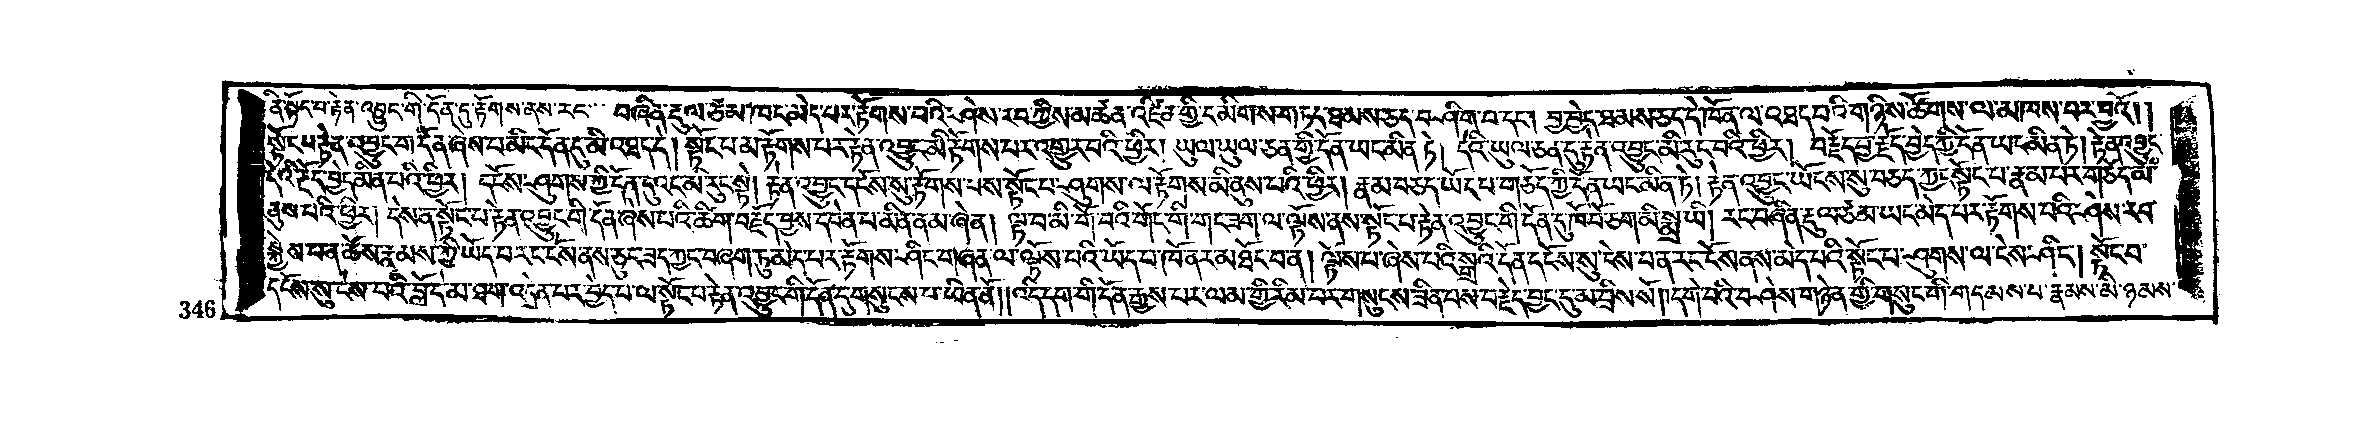ནི་སྟོང་པ་རྟེན་འབྱུང་གི་དོན་དུ་རྟོགས་ནས་རང་བཞིན་རྡུལ་ཙམ་ཁང་མེད་པར་རྟོགས་པའི་ཤེས་རབ་ཀྱིས་མཚན་འཛིན་གྱི་དམིགས་གཏད་ཐམས་ཅད་བཤིག་པ་དང་། བྱ་བྱེད་ཐམས་ཅད་དེ་ཁོ་ན་ལ་འཐད་པའི་གཉིས་ཚོགས་ལ་མཁས་པར་བྱའོ། །
སྟོང་པ་བརྟེན་འབྱུང་གདོན་ཞེས་པ་མིང་དོན་དུ་མི་འཐད་དེ། སྟོང་པ་མ་རྟོགས་པར་རྟེན་འབྱུང་མི་རྟོགས་པར་འགྱུར་བའི་ཕྱིར། ཡུལ་ཡུལ་ཅན་གྱི་དོན་ཡང་མིན་ཏེ། དེའི་ཡུལ་ཅན་དུ་རྟེན་འབྱུང་མི་རུང་བའི་ཕྱིར། བརྗོད་བྱ་རྗོད་བྱེད་ཀྱི་དོན་ཡང་མིན་ཏེ། རྟེན་འབྱུང་
དེའི་རྗོད་བྱེད་མིན་པའི་ཕྱིར། དངོས་ཤུགས་ཀྱི་དོན་དུའང་མི་རུང་སྟེ། རྟེན་འབྱུང་དངོས་སུ་རྟོགས་པས་སྟོང་པ་ཤུགས་ལ་རྟོགས་མི་ནུས་པའི་ཕྱིར། རྣམ་བཅད་ཡོད་པ་གཅོད་ཀྱི་དོན་ཡང་མིན་ཏེ། རྟེན་འབྱུང་ཡོངས་སུ་བཅད་ཀྱང་སྟོང་པ་རྣམ་པར་གཅོད་མི་
ནུས་པའི་ཕྱིར། དེས་ན་སྟོང་པ་རྟེན་འབྱུང་གི་དོན་ཞེས་པའི་ཚིག་བརྗོད་བྱས་དབེན་པ་མིན་ནམ་ཞེ་ན། ལྟ་བ་མི་གོ་བའི་གོང་གི་གང་ཟག་ལ་ལྟོས་ནས་སྟོང་པ་རྟེན་འབྱུང་གི་དོན་དུ་ཁོ་བོ་ཅག་མི་སྨྲ་ཡི། རང་བཞིན་རྡུལ་ཙམ་ཡང་མེད་པར་རྟོགས་པའི་ཤེས་རབ་
སྐྱེས་པ་ན་ཆོས་རྣམས་ཀྱི་ཡོད་པ་རང་ངོས་ནས་ཅུང་ཟད་ཀྱང་བཞག་ཏུ་མེད་པར་རྟོགས་ཤིང་གཞན་ལ་ལྟོས་པའི་ཡོད་པ་ཁོ་ནར་མཐོང་བ་ན། ལྟོས་པ་ཞེས་པའི་སྒྲའི་དོན་དངོས་སུ་ངེས་པ་ན་རང་ངོས་ནས་མེད་པའི་སྟོང་པ་ཤུགས་ལ་ངེས་ཤིང་། སྟོང་པ་
དངོས་སུ་ངེས་པའི་བློ་དེ་མ་ཐག་འདྲེན་པར་བྱེད་པ་ལ་སྟོང་པ་རྟེན་འབྱུང་གི་དོན་དུ་གསུངས་པ་ཡིན་ནོ། །འདི་དག་གི་དོན་རྒྱས་པར་ལམ་གྱི་རིམ་པར་གསུངས་ཟིན་པས་བརྗེད་བྱང་དུ་མ་བྲིས་སོ། །དགེ་བའི་བཤེས་གཉེན་གྱི་གསུང་གི་གདམས་པ་རྣམས་མི་ཉམས་